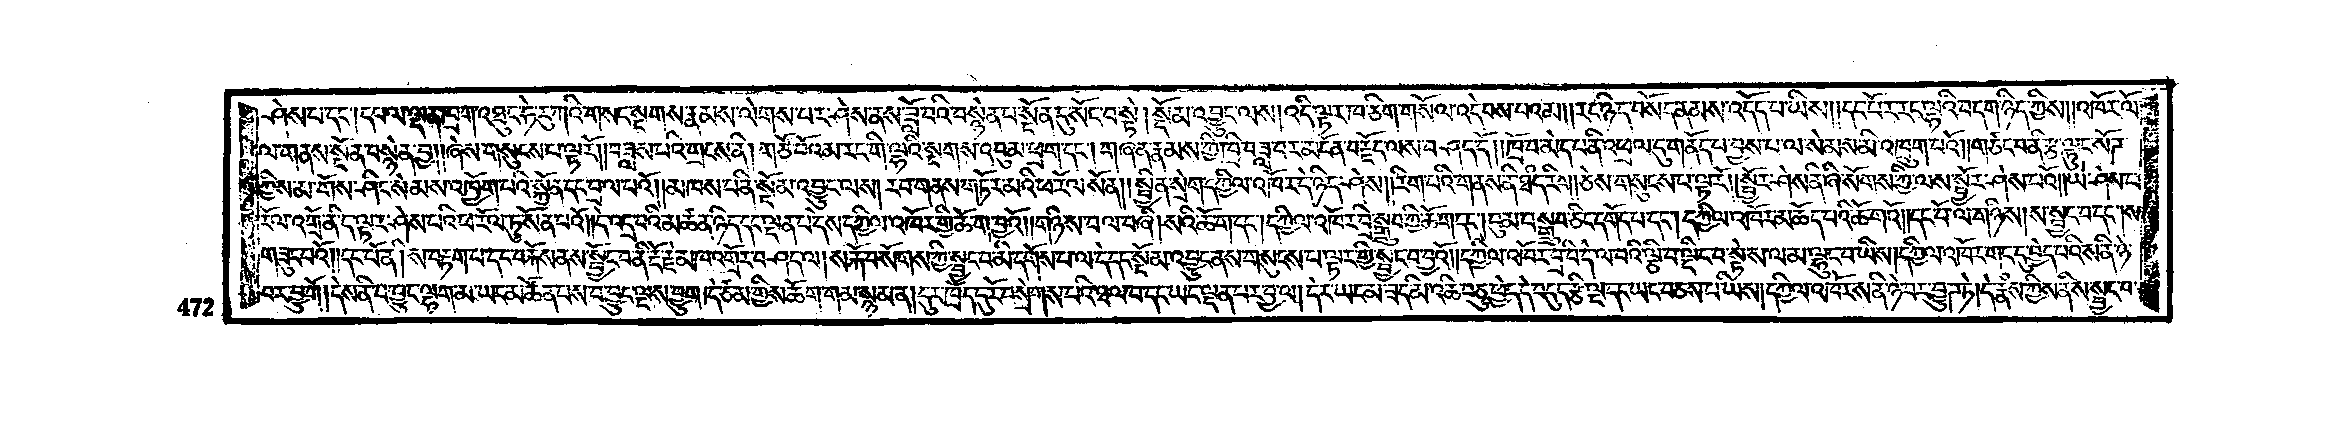ཤེས་པ་དང་། དཔལ་ལྡན་ཁྲག་འཐུང་ཧེ་རུ་ཀའི་གསང་སྔགས་རྣམས་ལེགས་པར་ཤེས་ནས་ཟློ་བའི་བསྙེན་པ་སྔོན་དུ་སོང་བ་སྟེ། སྡོམ་འབྱུང་ལས། འདི་ལྟར་ཁ་ཅིག་གསོལ་འདེབས་པའམ། །རང་ཉིད་བསོད་ནམས་འདོད་པ་ཡིས། །དང་པོར་རང་ལྷའི་བདག་ཉིད་ཀྱིས། །འཁོར་ལོ་
ལ་གནས་སྔོན་བསྙེན་བྱ། །ཞེས་གསུངས་པ་ལྟར་རོ། །བཟླས་པའི་གྲངས་ནི། གཙོ་བོའམ་རང་གི་ལྷའི་སྔགས་འབུམ་ཕྲག་དང་། གཞན་རྣམས་ཀྱི་ཁྲི་བཟླ་བར་མངོན་བརྗོད་ལས་བཤད་དོ། །ཁྲོ་བ་མེད་པ་ནི་འཕྲལ་དུ་གནོད་པ་བྱས་པ་ལ་སེམས་མི་འཁྲུག་པའོ། །གཙང་བ་ནི་རྩ་ལྟུང་སོགས་
ཀྱིས་མ་གོས་ཤིང་སེམས་འཁྱོག་པའི་སྐྱོན་དང་བྲལ་པའོ། །མཁས་པ་ནི་སྔོམ་འབྱུང་ལས། རབ་གནས་གཏོར་མའི་ཕ་རོལ་སོན། །སྦྱིན་སྲེག་དཀྱིལ་འཁོར་དེ་ཉིད་ཤེས། །རིག་པའི་གནས་ནི་ཐམས་ཅད་རིག །ཅེས་གསུངས་པ་ལྟར་རོ། །སྦྱོར་ཤེས་ནི་ཞི་སོགས་ཀྱི་ལས་སྦྱོར་ཤེས་པའོ། །ཡི་ཤེས་ཕ་
རོལ་འགྲོ་ནི་དེ་ལྟར་ཤེས་པའི་ཕ་རོལ་ཏུ་སོན་པའོ། །དེ་འདྲ་བའི་མཚན་ཉིད་དང་ལྡན་པ་དེས་དཀྱིལ་འཁོར་གྱི་ཆོ་ག་བྱའོ། །གཉིས་པ་ལ་བཞི། སའི་ཆོ་ག་དང་། དཀྱིལ་འཁོར་བྲི་སྒྲུབ་ཀྱི་ཆོ་ག་དང་། བུམ་པ་སྒྲུབ་ཅིང་དགོད་པ་དང་། དཀྱིལ་འཁོར་མཆོད་པའི་ཆོ་གའོ། །དང་བོ་ལ་གཉིས། ས་སྦྱང་བ་དང་། ས་
གཟུང་པའོ། །དང་པོ་ནི། ས་བརྟག་པ་དང་བརྐོས་ནས་སྦྱོང་བ་ནི་རྡོ་རྗེ་མཁ་འགྲོར་བཤད་ལ། ས་རྐོ་བ་སོགས་ཀྱི་སྦྱང་བ་མི་དགོས་པ་ལ་དེ་དང་སྡོམ་འབྱུང་ནས་གསུངས་པ་ལྟར་གྱི་སྦྱང་བ་བྱའོ། །དཀྱིལ་འཁོར་བྲི་བ་དེ་ལ་བའི་ལྕི་བ་ལྡིང་བ་སྟེ་ས་ལ་མ་ལྷུང་བ་ཡིས། དཀྱིལ་འཁོར་གང་དུ་བྱེད་པའི་ས་ནི་ཉེ་
བར་བྱུག་གོ །དེས་ནི་བ་བྱུང་ལྷག་མ་ཡང་མཚོན་པས་བ་བྱུང་ལྔས་བྱུག །དེ་ཙམ་གྱིས་ཆོག་གམ་སྙམ་ན། དུར་ཁྲོད་དུ་རོ་བསྲེགས་པའི་ཐལ་བ་དང་ཡང་ལྡན་པར་བྱ་ལ། དེར་ཡང་མ་ཟད་མི་འཆི་བཅུ་ཕྱེད་དེ་བདུད་རྩི་ལྔ་དང་ཡང་བཅས་པ་ཡིས། དཀྱིལ་འཁོར་ས་ནི་ཉེ་བར་བྱུགས་ཏེ། དེ་རྣམས་ཀྱིས་ནི་ས་སྦྱང་བ་